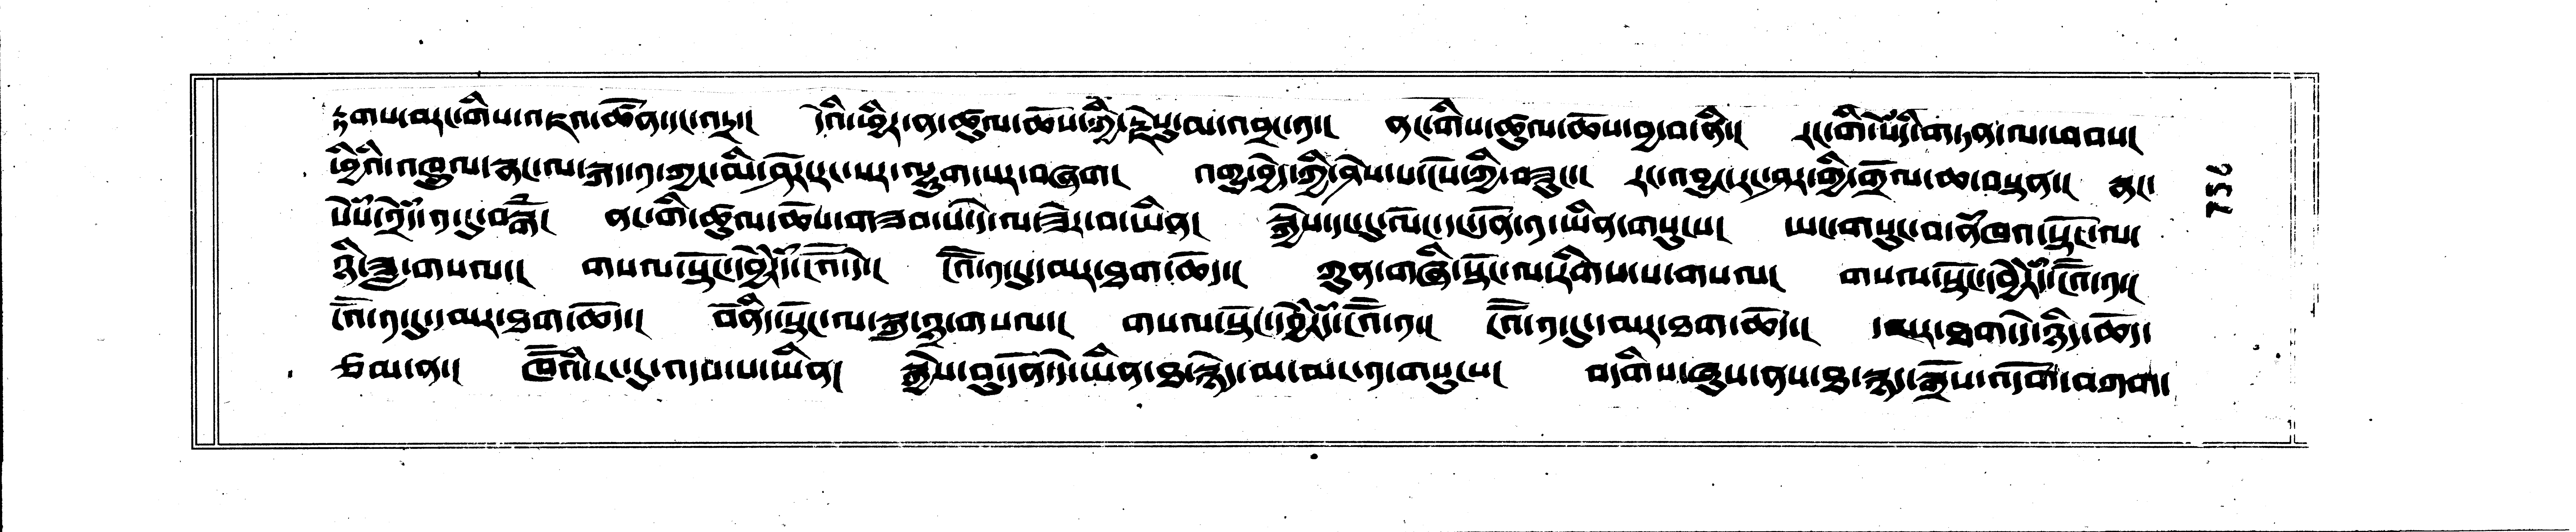རྟག་བར་སྣང་གི་འཇའ་ཚོན་དང་འདྲ། དེའི་ཕྱིར་ན་ཚུལ་འཆོས་ཀྱི་རྗེས་སུ་མ་འབྲང་ཅིག ནང་གི་ཚུལ་འཆོས་བྱ་བ་ནི། རང་གི་སེམས་ཉིད་གཏན་ལ་ཕབ། 
ཕྱིའི་འཁྲུལ་སྣང་ལ་སྐད་ཅིག་ཀྱང་མི་ཤོར་རང་སར་ལྷུག་པར་བཞག འགྱུ་བྱེད་ཀྱི་ཤེས་པ་ངོས་ཀྱིས་བཟུང་། རང་འབྱུང་རང་ཤར་གྱི་གྲོལ་ཆ་བསྟན། སྣང་
སེམས་གཉིས་མེད་གཅིག་ཏུ་བསྒོམ། ནང་གི་ཚུལ་ཆོས་གཟབ་པ་དེ་ལ་ཟེར་བ་ཡིན། སྐྱེས་‘བུ’དང་དུ་ལོངས་དང་དོན་གཅིག་ཡིན་གསུངས། ཡང་གསུངས་པ། ནམ་མཁའ་སྟོང་ལ་
ཉི་ཟླ་གསལ། །གསལ་སྟོང་དབྱེར་མེད་ངོའོ་དེ། །ངོའོ་གཅིག་ཏུ་དམར་ཐག་ཆོད། །ཀུན་གཞི་སྟོང་ལ་རིག་པ་གསལ། །གསལ་སྟོང་དབྱེར་མེད་ངོའོ་གཅིག 
།ངོའོ་གཅིག་ཏུ་དམར་ཐག་ཆོད། །བོན་ཉིད་སྟོང་ལ་སྐུ་གསུམ་གསལ། །གསལ་སྟོང་དབྱེར་མེད་ངོའོ་གཅིག །ངོའོ་གཅིག་ཏུ་དམར་ཐག་ཆོད། །དམར་ཐག་དེ་ཉིད་ཆོད་
ཙམ་ན། །ཁོ་བོའི་ངང་དུ་འདས་པ་ཡིན། །སྐྱེས་བུ་དོན་དེ་ཡིན་ཐ་སྙད་མ་མང་ཞིག་གསུངས། བདག་གིས་ཞུས་ནས་ཐ་སྙད་སྒྲོས་འདོགས་བཀག་